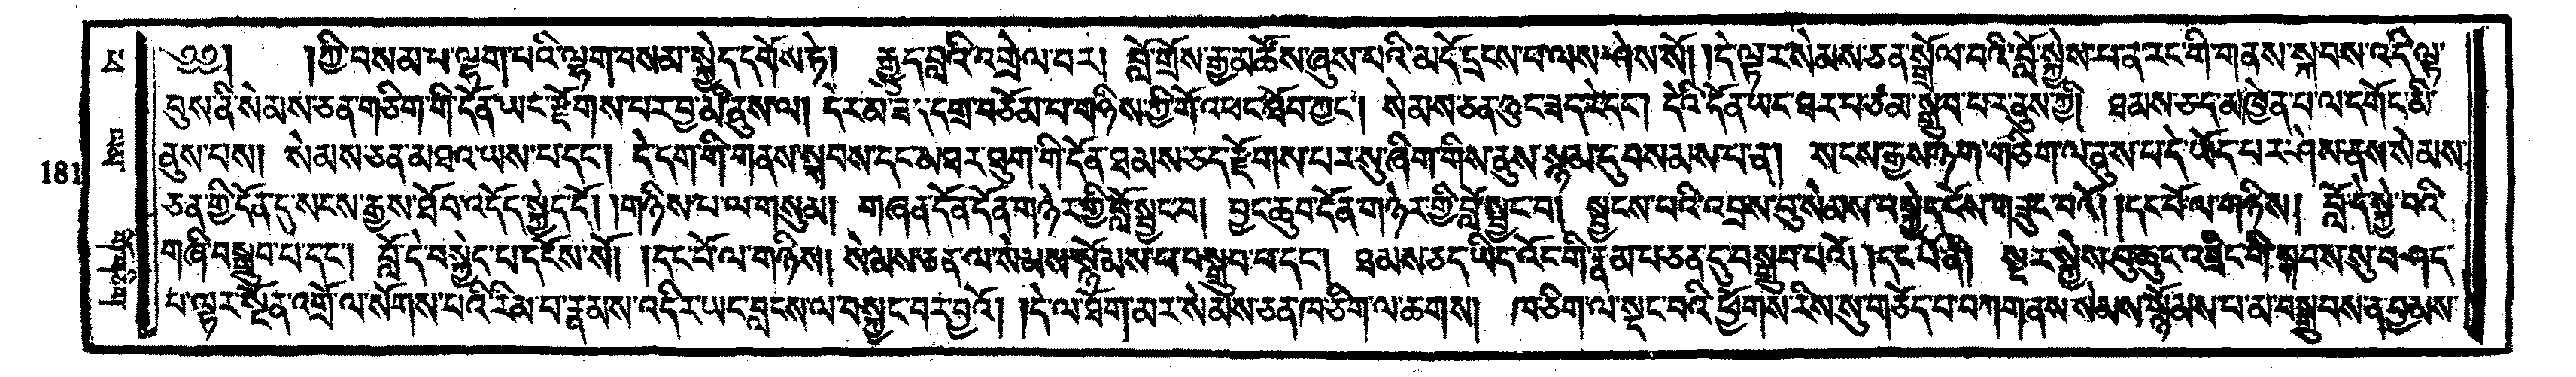༄༅། །ཀྱི་བསམ་པ་ལྷག་པའི་ལྷག་བསམ་སྐྱེད་དགོས་ཏེ། རྒྱུད་བླའི་འགྲེལ་བར། བློ་གྲོས་རྒྱ་མཚོས་ཞུས་པའི་མདོ་དྲངས་བ་ལས་ཤེས་སོ། །དེ་ལྟར་སེམས་ཅན་སྒྲོལ་བའི་བློ་སྐྱེས་པ་ན་རང་གི་གནས་སྐབས་འདི་ལྟ་
བུས་ནི་སེམས་ཅན་གཅིག་གི་དོན་ཡང་རྫོགས་པར་བྱ་མི་ནུས་ལ། དེར་མ་ཟད་དགྲ་བཅོམ་པ་གཉིས་ཀྱི་གོ་འཕང་ཐོབ་ཀྱང་། སེམས་ཅན་ཉུང་ཟད་རེ་དང་། དེའི་དོན་ཡང་ཐར་པ་ཙམ་སྒྲུབ་པར་ནུས་ཀྱི། ཐམས་ཅད་མཁྱེན་པ་ལ་དགོང་མི་
ནུས་པས། སེམས་ཅན་མཐའ་ཡས་པ་དང་། དེ་དག་གི་གནས་སྐབས་དང་མཐར་ཐུག་གི་དོན་ཐམས་ཅད་རྫོགས་པར་སུ་ཞིག་གིས་ནུས་སྙམ་དུ་བསམས་པ་ན། སངས་རྒྱས་ཉག་གཅིག་ལ་ནུས་པ་དེ་ཡོད་པར་ཤེས་ནས་སེམས་
ཅན་གྱི་དོན་དུ་སངས་རྒྱས་ཐོབ་འདོད་སྐྱེད་དོ། །གཉིས་པ་ལ་གསུམ། གཞན་དོན་དོན་གཉེར་གྱི་བློ་སྦྱང་བ། སྦྱངས་པའི་འབྲས་བུ་སེམས་བསྐྱེད་ངོས་གཟུང་བའོ། །དང་པོ་ལ་གཉིས། བློ་དེ་སྐྱེ་བའི་
གཞི་བསྒྲུབ་པ་དང་། བློ་དེ་བསྐྱེད་པ་དངོས་སོ། །དང་པོ་ལ་གཉིས། སེམས་ཅན་ལ་སེམས་སྙོམས་པ་བསྒྲུབ་པ་དང་། ཐམས་ཅད་ཡིད་འོང་གི་རྣམ་པ་ཅན་དུ་བསྒྲུབ་པའོ། །དང་པོ་ནི། སྔར་སྐྱེས་བུ་ཆུང་འབྲིང་གི་སྐབས་སུ་བཤད་
པ་ལྟར་སྔོན་འགྲོ་ལ་སོགས་པའི་རིམ་པ་རྣམས་འདིར་ཡང་བླངས་ལ་བསྐྱང་བར་བྱའོ། །དེ་ལ་ཐོག་མར་སེམས་ཅན་ཁ་ཅིག་ལ་ཆགས། ཁ་ཅིག་ལ་སྡང་བའི་ཕྱོགས་རིས་སུ་གཅོད་པ་བཀག་ནས་སེམས་སྙོམས་པ་མ་བསྒྲུབས་ན་བྱམས་